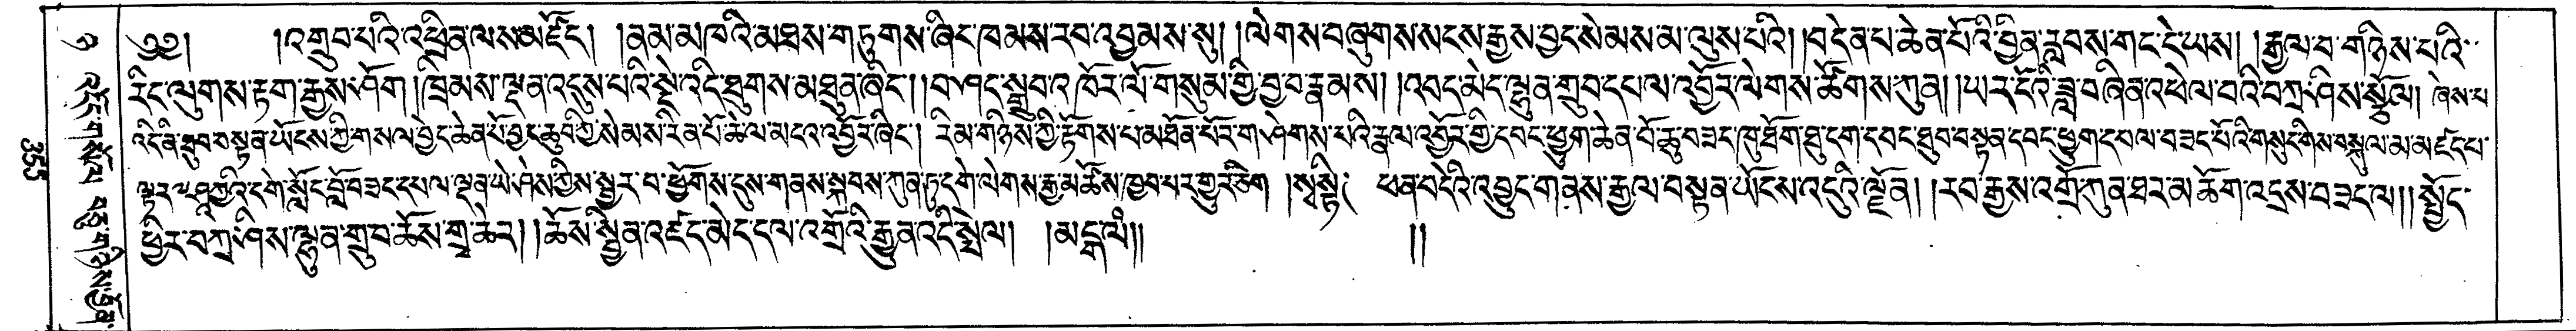༄༅། །འགྲུབ་པའི་འཕྲིན་ལས་མཛོད། །ནམ་མཁའི་མཐས་གཏུགས་ཞིང་ཁམས་རབ་འབྱམས་སུ། །ལེགས་བཞུགས་སངས་རྒྱས་བྱང་སེམས་མ་ལུས་པའི། །བདེན་པ་ཆེན་པོའི་བྱིན་རླབས་གང་དེ་ཡིས། །རྒྱལ་བ་གཉིས་པའི་
རིང་ལུགས་རྟག་རྒྱས་ཤོག །ཁྲིམས་ལྡན་འདུས་པའི་སྡེ་འདི་ཐུགས་མཐུན་ཞིང་། །བཤད་སྒྲུབ་འཁོར་ལོ་གསུམ་གྱི་བྱ་བ་རྣམས། །འབད་མེད་ལྷུན་གྲུབ་དཔལ་འབྱོར་ལེགས་ཚོགས་ཀུན། །ཡར་ངོའི་ཟླ་བཞིན་འཕེལ་བའི་བཀྲ་ཤིས་སྩོལ། །ཞེས་པ་
འདི་ནི་ཐུབ་བསྟན་ཡོངས་ཀྱི་གསལ་བྱེད་ཆེན་པོ་བྱང་ཆུབ་ཀྱི་སེམས་རིན་པོ་ཆེ་ལ་མངའ་འབྱོར་ཞིང་། རིམ་གཉིས་ཀྱི་རྟོགས་པ་མཐོན་པོར་གཤེགས་པའི་རྣལ་འབྱོར་གྱི་དབང་ཕྱུག་ཆེན་པོ་ཆུ་བཟང་ཁུ་ཐོག་ཐུ་ངག་དབང་ཐུབ་བསྟན་དབང་ཕྱུག་དཔལ་བཟང་པོའི་གསུང་གིས་བསྐུལ་མ་མཛད་པ་
ལྟར་ཤཱཀྱའི་དགེ་སློང་བློ་བཟང་དཔལ་ལྡན་ཡེ་ཤེས་ཀྱིས་སྦྱར་བ་ཕྱོགས་དུས་གནས་སྐབས་ཀུན་ཏུ་དགེ་ལེགས་རྒྱ་མཚོས་ཁྱབ་པར་གྱུར་ཅིག །སྭསྟི༑ ཕན་བདེའི་འབྱུང་གནས་རྒྱལ་བསྟན་ཡོངས་འདུའི་ལྗོན། །རབ་རྒྱས་འགྲོ་ཀུན་ཐར་མཆོག་འབྲས་བཟང་ལ། །སྤྱོད་
ཕྱིར་བཀྲ་ཤིས་ལྷུན་གྲུབ་ཆོས་གྲྭ་ཆེར། །ཆོས་སྦྱིན་འཛད་མེད་དལ་འགྲོའི་རྒྱུན་འདི་སྤེལ། །མངྒ་ལཾ།། །།